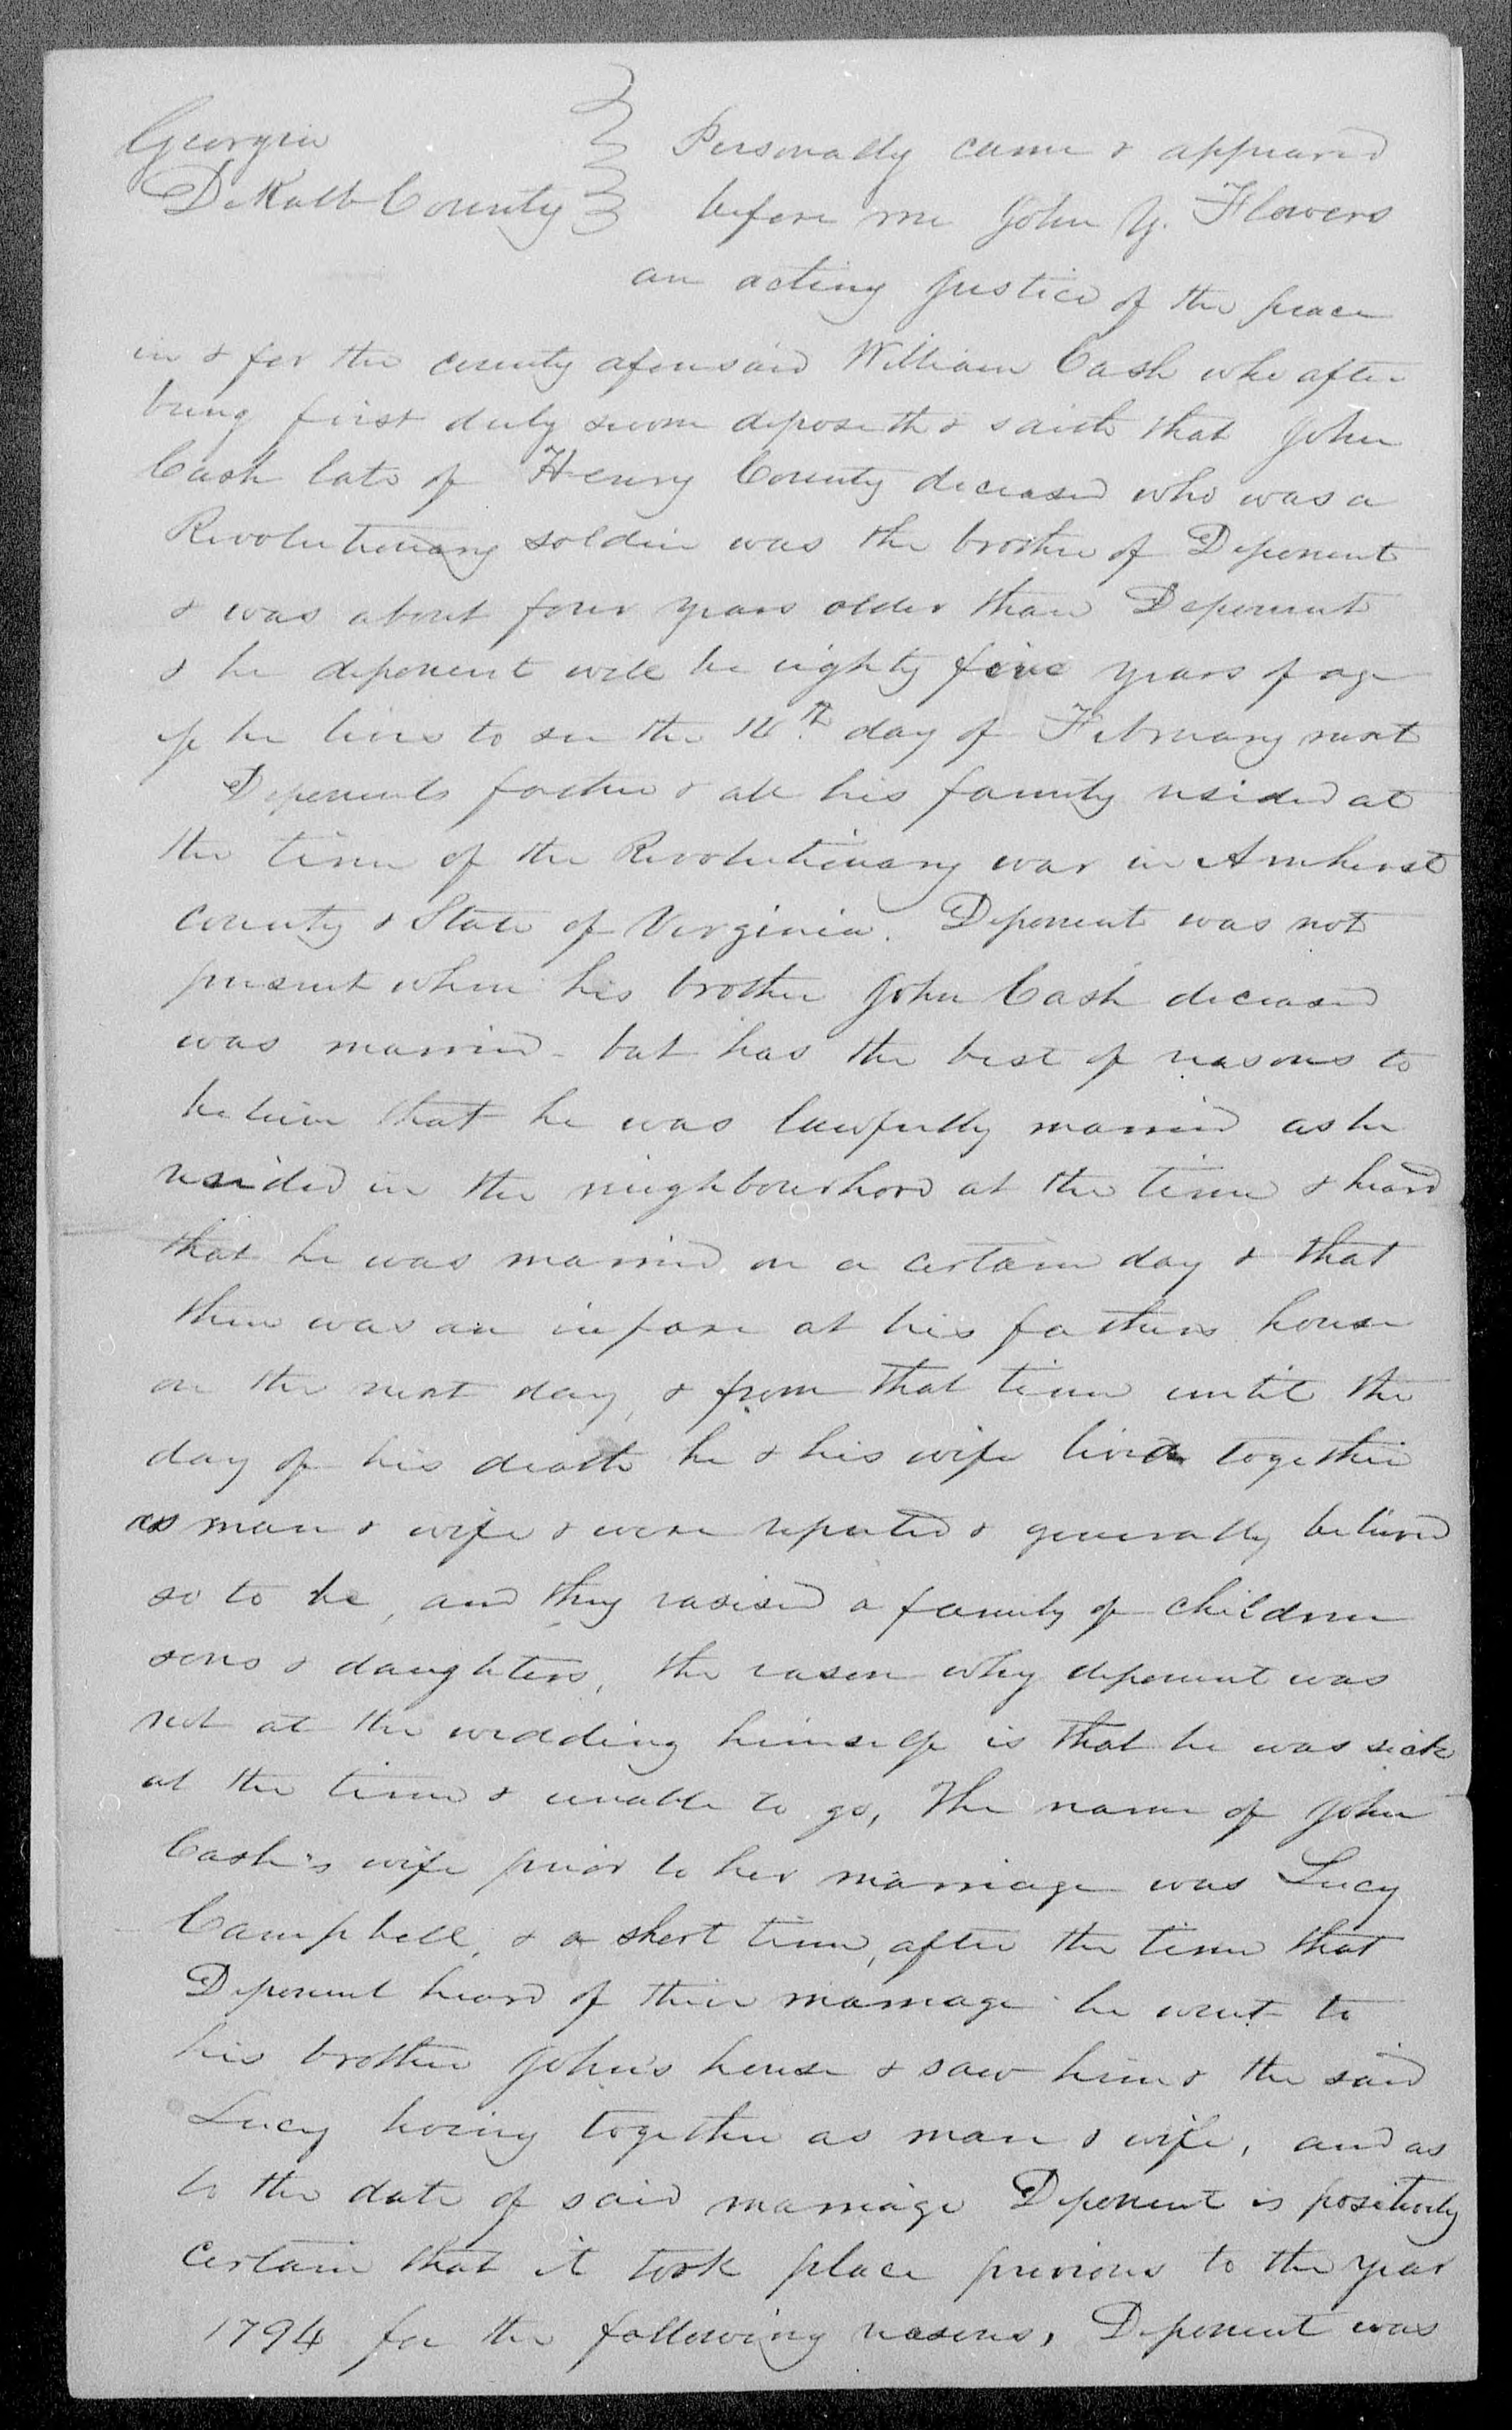Georgia
DeKalb County ⎬ Personally came & appeared before me,John G. Flowers
an acting Justice of the peace
in & for the County aforesaid, William Cash who after being first duly sworn deposeth & saith that John Cash late of Henry County deceased who was a
Revolutionary soldier was the brother of Deponent and was about four years older than deponent. The deponent will be eighty-five years of age if he lives to see the 14th day of February next. Deponents father & all his family resided at the time of the Revolutionary war in Amherst
County & State of Virginia. Deponent was not present when his brother John Cash deceased was married but has the best of reasons to believe that he was lawfully married as he resided in the neighborhood at the time & heard
that he was married on a certain day & that then was an_____ at his fathers house
on the next day & from that time until the day of his death he & his wife lived together as man & wife & were reputed & generally believed so to be, and they raised a family of children, sons & daughters, the reason why deponent was
not at the wedding himself is that he was sick at the time & unable to go, the name of John Cash's wife prior to her marriage was Lucy Campbell & a short time, after the time that Deponent heard of their marriage, he went to his brother John's house & saw him the said
Lucy living together as man & wife, and as to the date of said marriage Deponent is positively certain that it took place previous to the year 1794 for the following reasons, Deponent was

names: John Cash, John G Flowers, Lucy, John, John Cash, Lucy Campbell, William Cash, John Cash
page: 14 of 73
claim: widow's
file: W. 5,894, John Cash, Va.